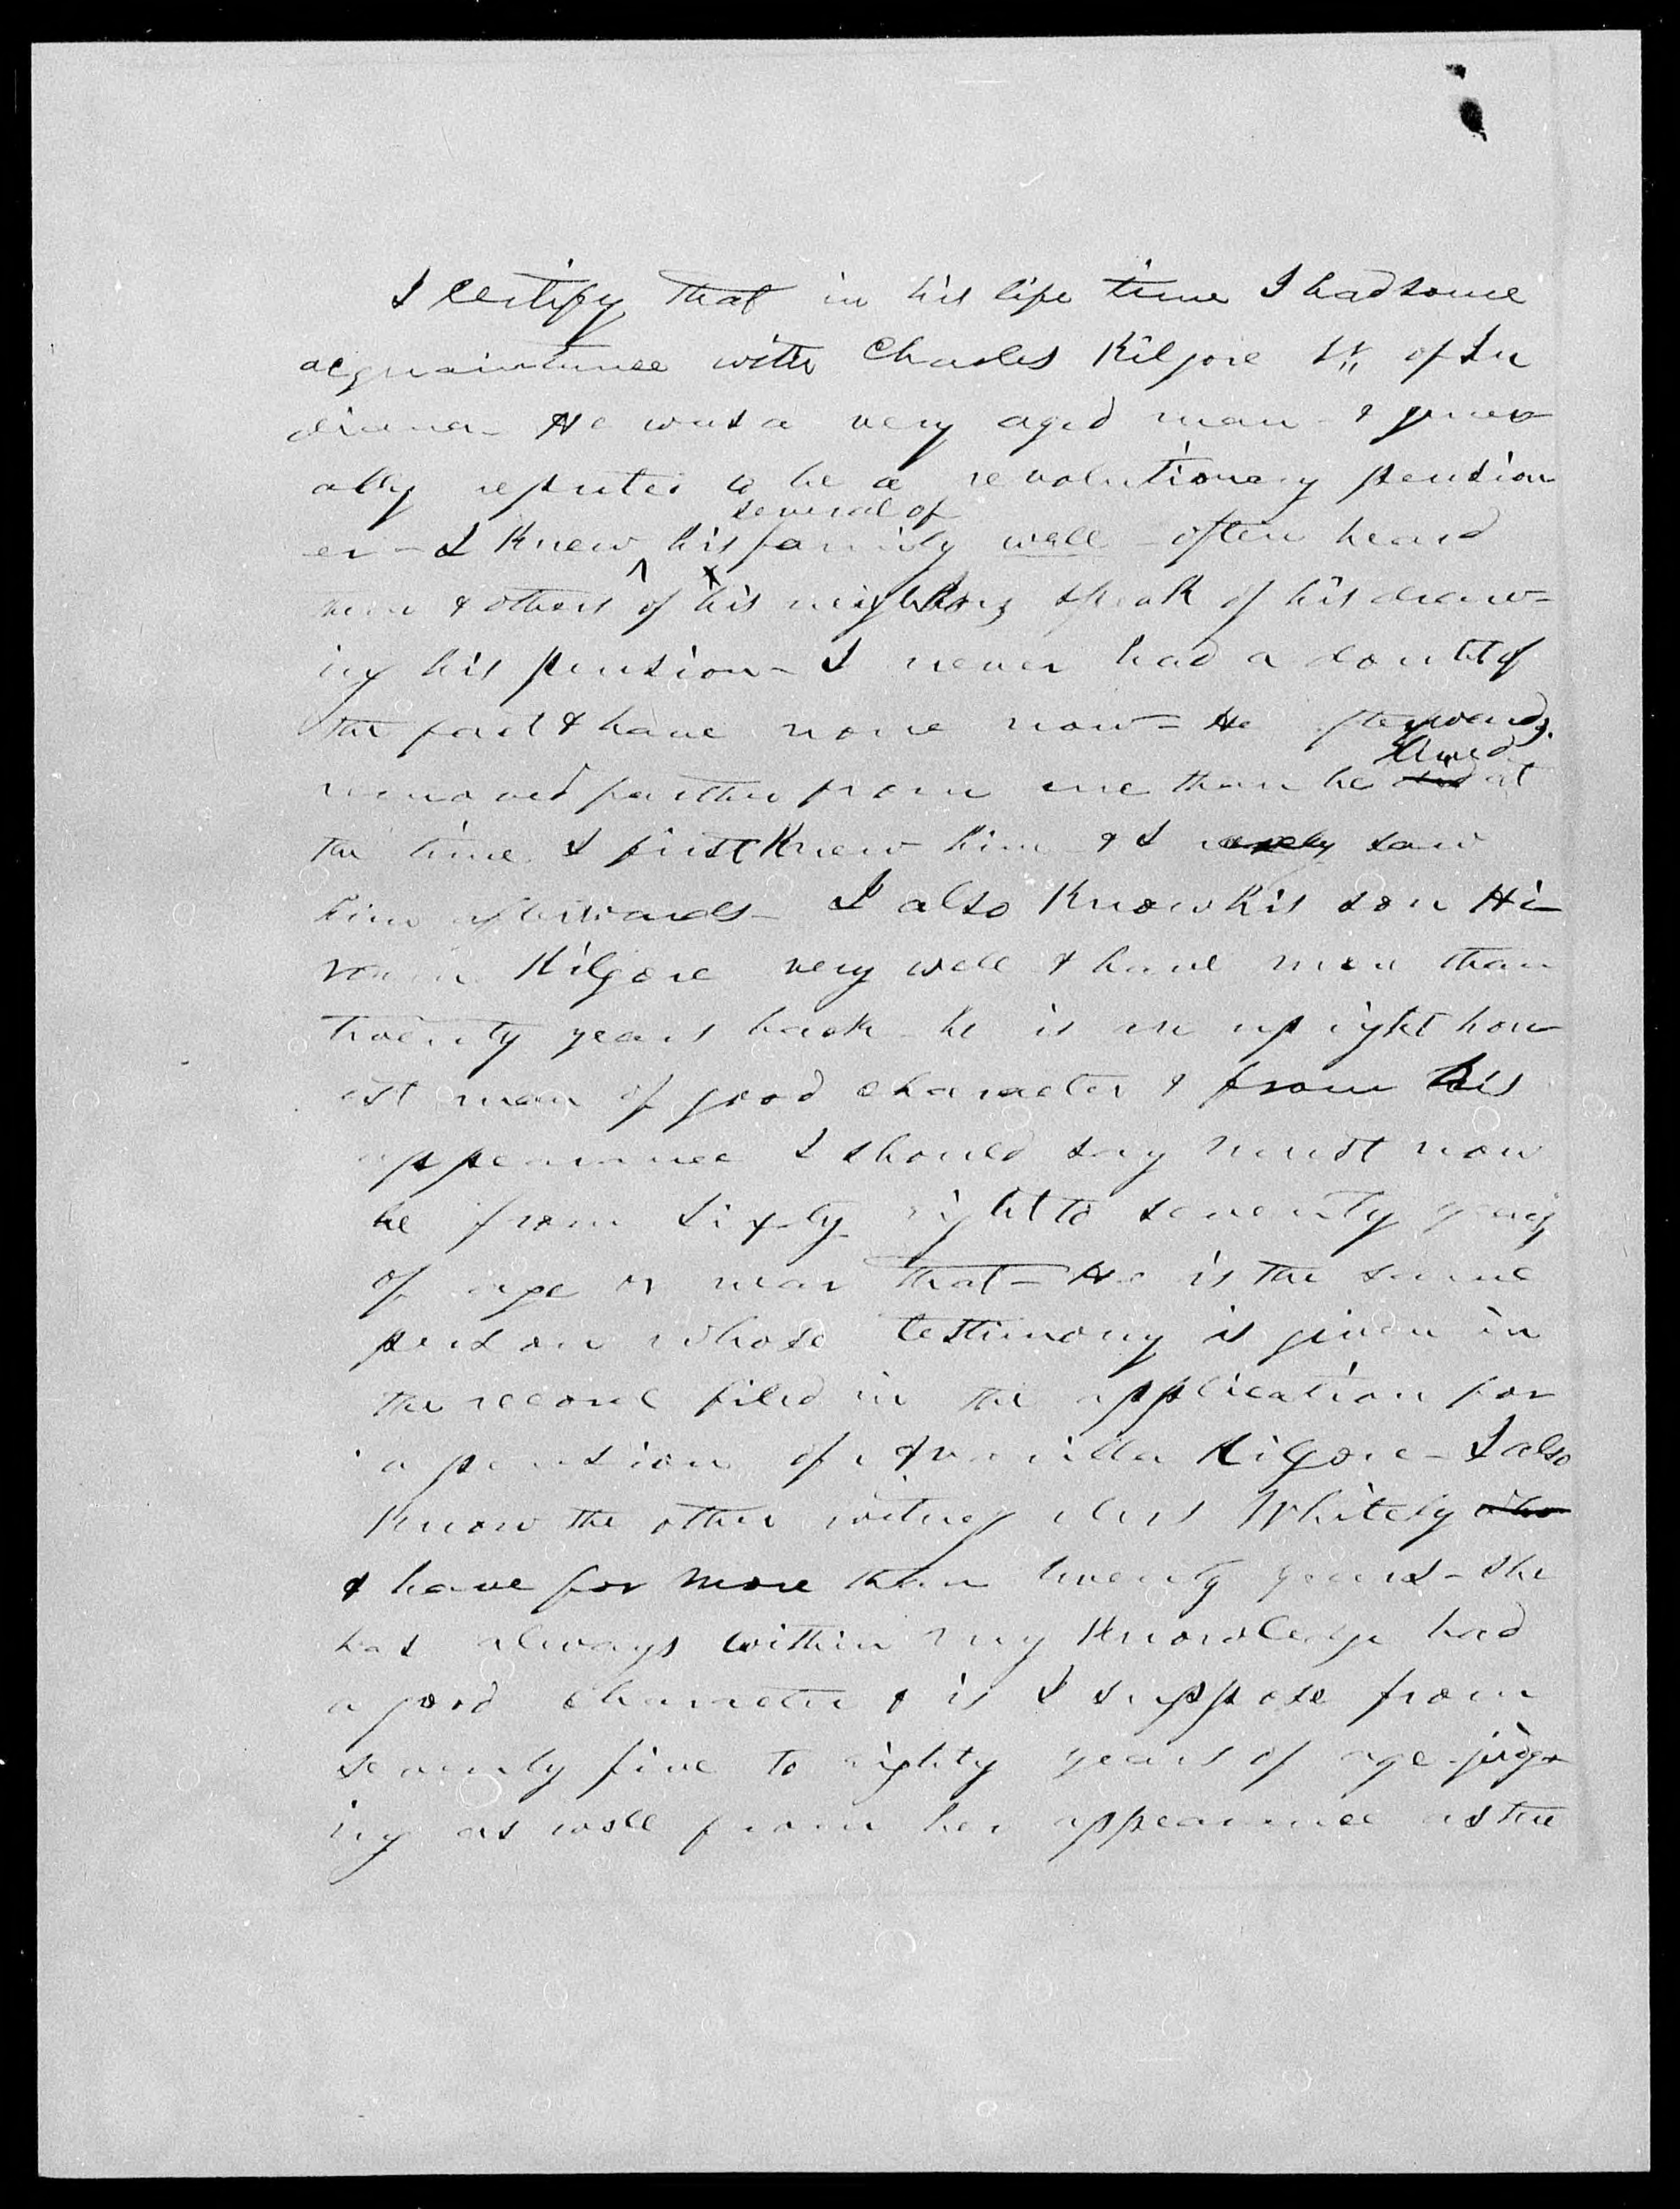I certify that in his life time I had some acquaintanse with Charles Kilgore Sr. of Indiana. He was a very aged man & generally reputed to be a revolutionary pensioner. I knew several of his family well - often heard them & others of his neighbors speak of his drawing his pension. I never had a doubt of the fact & have none now. He afterwards removed father from me than he lived at the time & first knew him & I rarely saw him afterwards. I also know his son Hiram Kilgore very well & have more than twenty years back. he is an upright honest man of good character & from his appearance I should say that now he from sixty eight to seventy years of age or near that. He is the same person whose testimony is given in the record filed in the application for a pension of Avarilla Kilgore. I also know the other witness [illegible] Whitely & have for more the twenty years. He has always within my knowledge had good character & as I suppose from seventy five to eighty years of age judging as well for her appearance as the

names: Charles Kilgore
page: 86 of 115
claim: survivor's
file: S. 699, for Charles Kilgore, Virginia